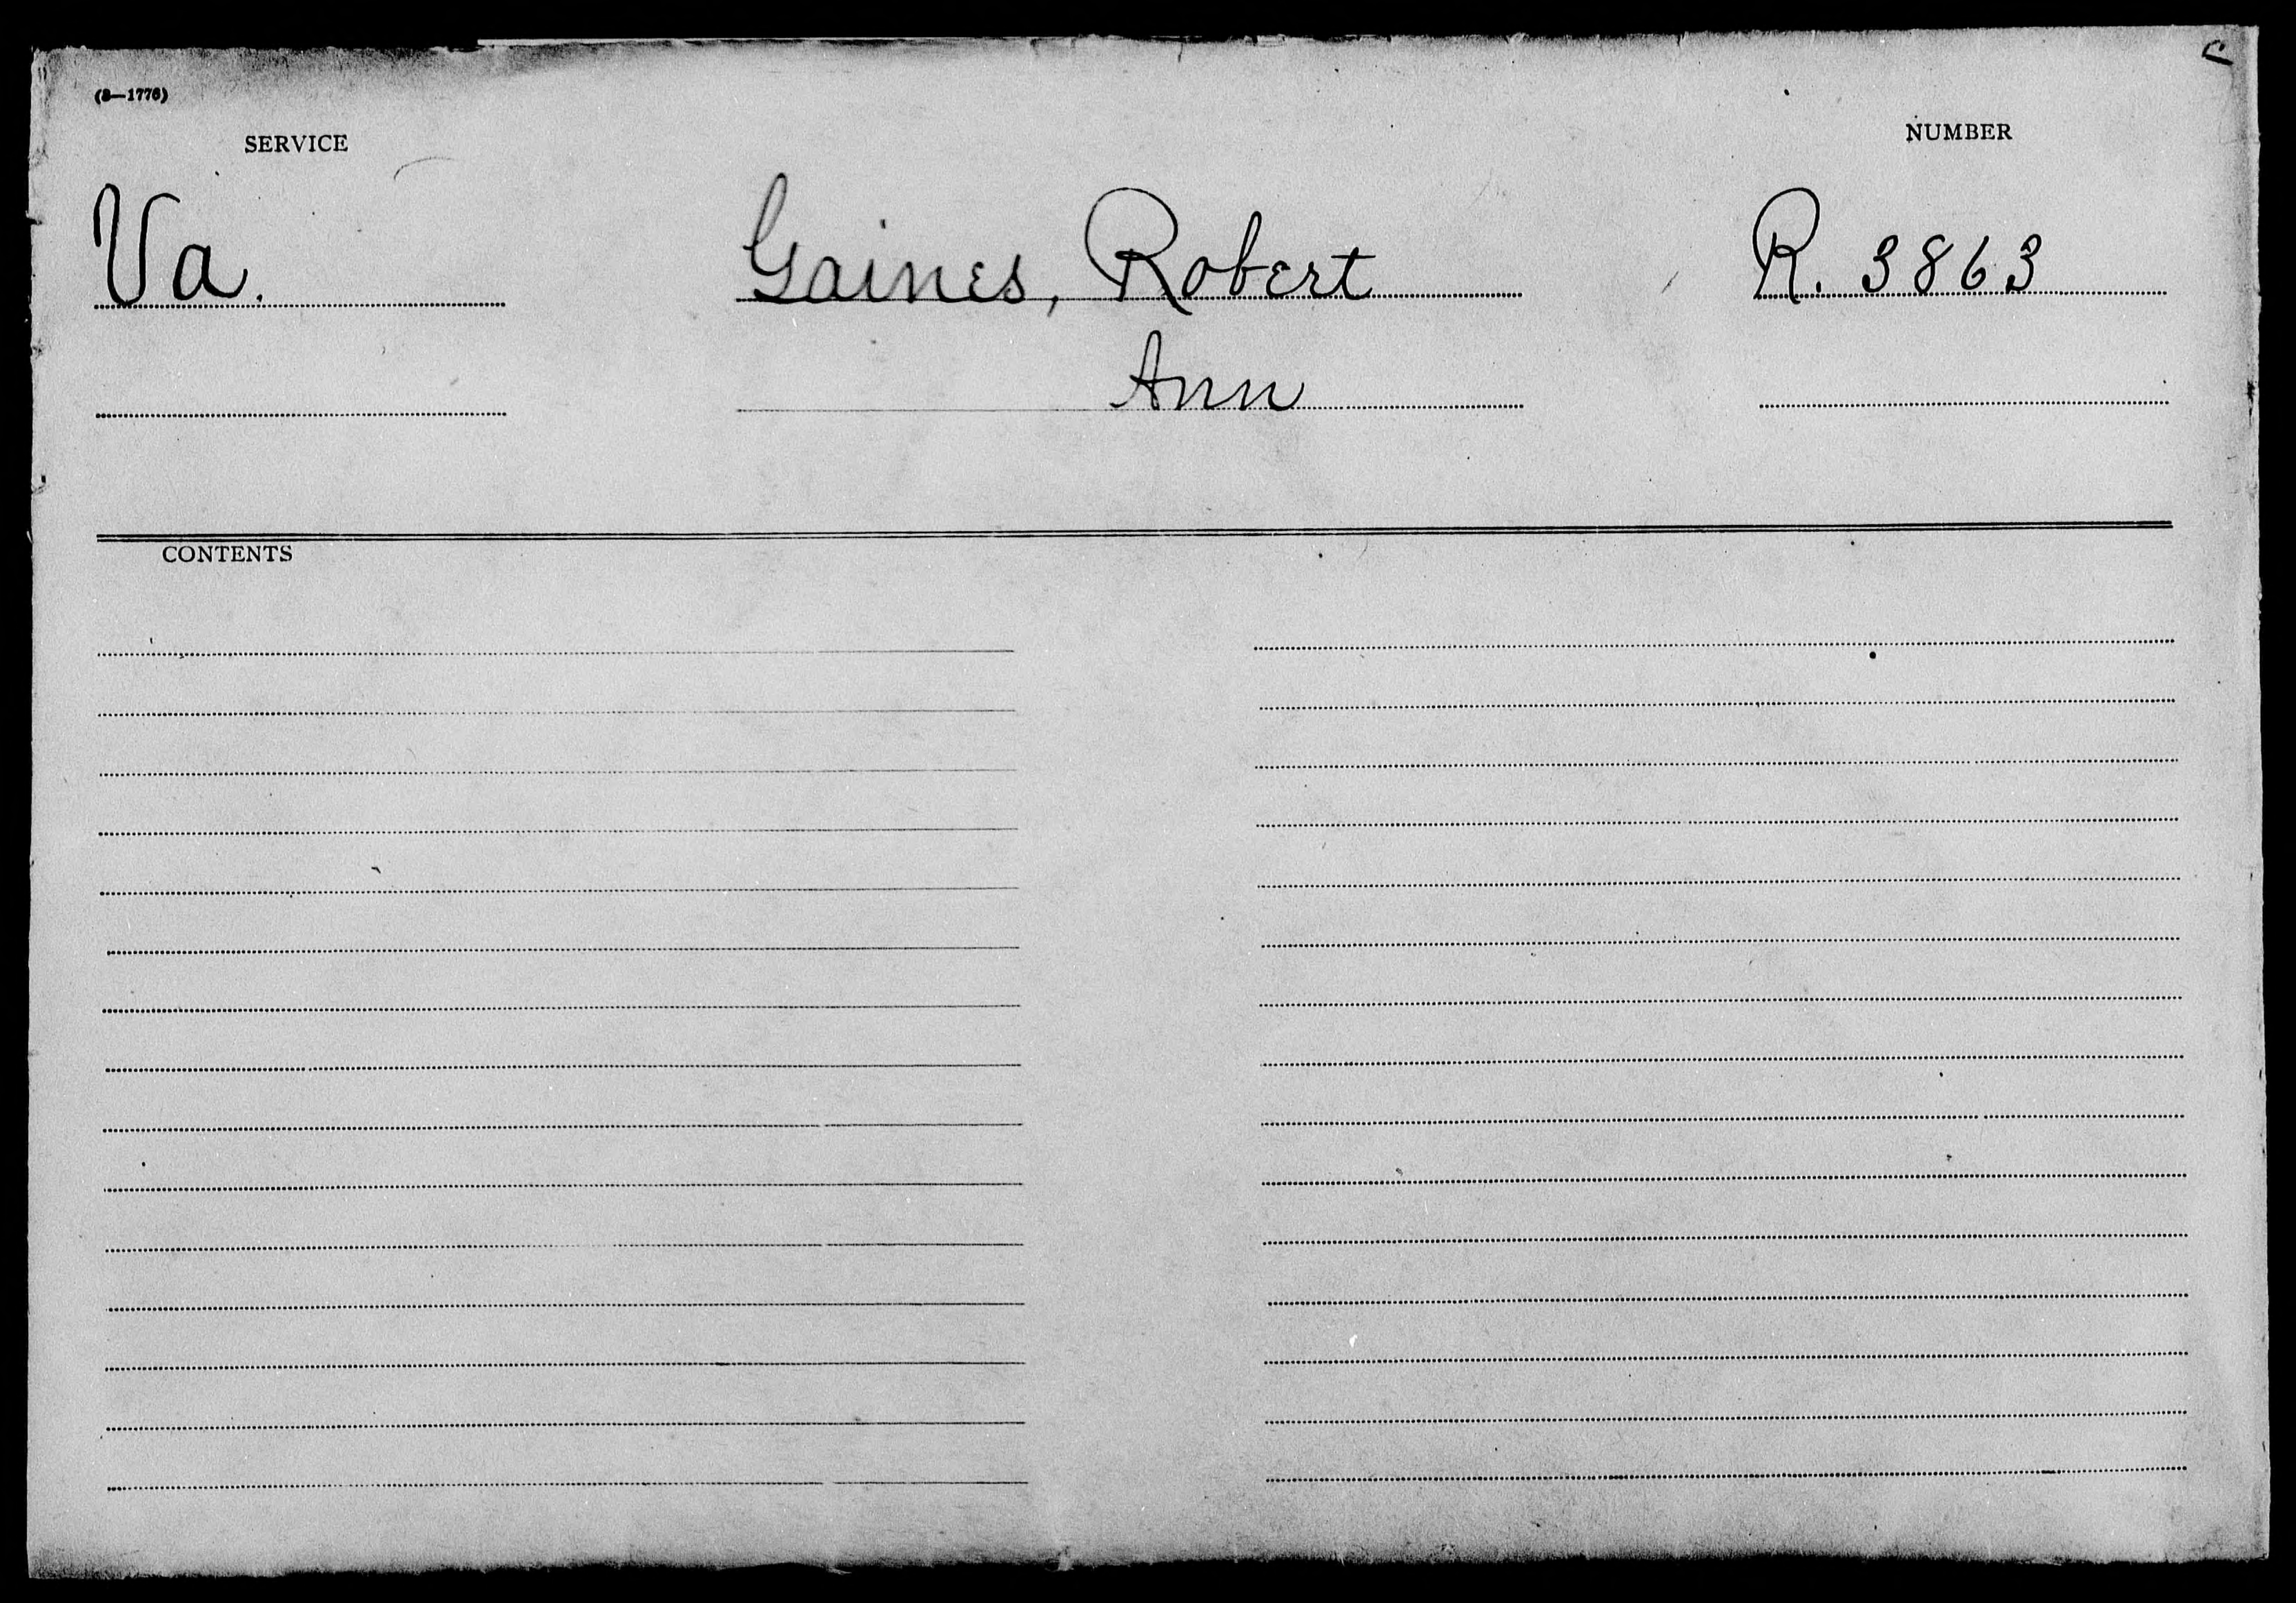(3-1776)

SERVICE
Va.

Gaines, Robert
Ann

NUMBER
R. 3863

CONTENTS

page: 1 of 79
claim: rejected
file: R. 3863, Robert Gaines, Va.